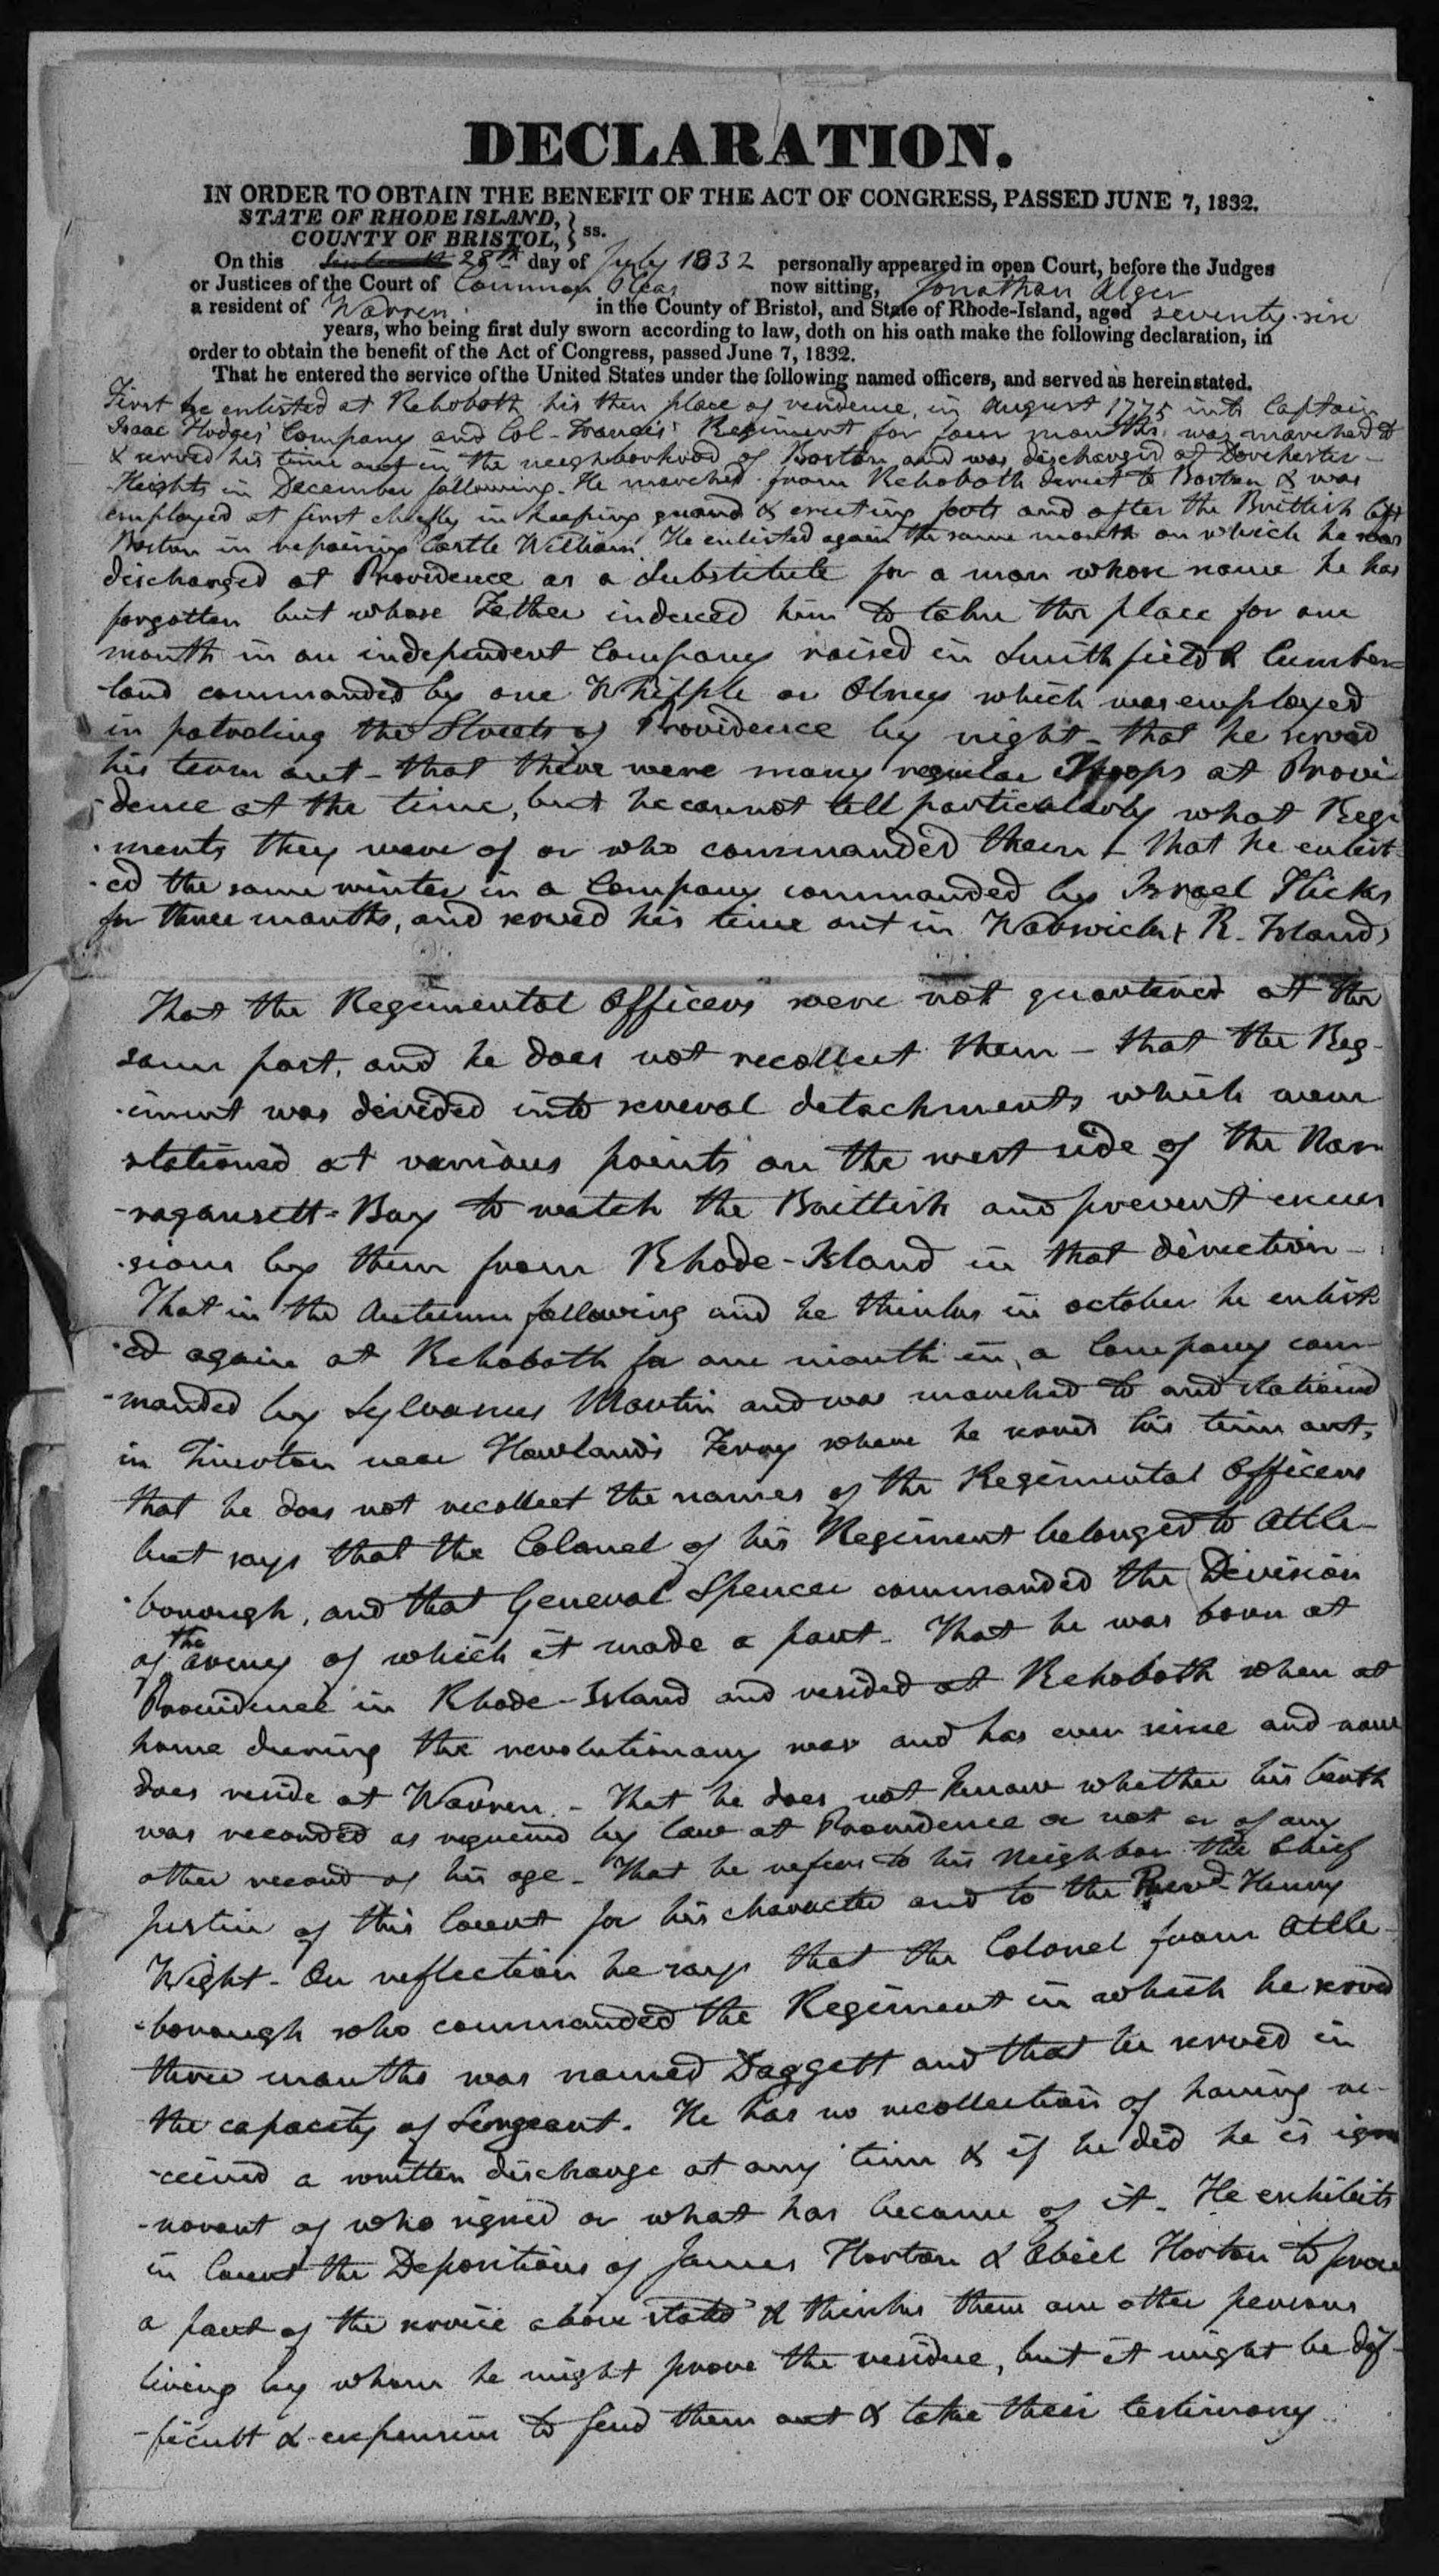Declaration.
In Order To Obtain The Benefit Of The Act Of Congress, Passed June 7, 1832.
State Of Rhode Island
County Of Bristol } ss.
On this 28th day of July 1832 personally appeared in open Court, before the Judges or Justices of the Court of Common Pleas now sitting, Jonathan Alger a resident of Warren in the County of Bristol, and State of Rhode-Island, aged seventy six years, who being first duly sworn according to law, doth on his oath make the following declaration, in order to obtain the benefit of the Act of Congress, passed June 7, 1832.
That he entered the service of the United States under the following named officers, and served as herein stated.
First he enlisted at Rehoboth his then place of residence in August 1775 into Captain Isaac Hodges' Company and Col. Francis' Regiment for four months, was marched to & served his time out in the neighborhood of Boston and was discharged at Dorchester Heights in December following. He marched from Rehoboth direct to Boston & was employed at first chiefly in keeping guard & erecting forts and after the British left Boston in repairing Castle William. He enlisted again the same month on which he was discharged at Providence as a substitute for a man whose name he has forgotten but whose Father induced him to take the place for one month in an independent company raised in Smithfield Cumberland in Patrolling the streets of Providence by night - that he served his time out - that there were many regular troops at Providence at the time, but he cannot tell particularly what Regiments they were of or who commanded them. That he enlisted the same winter in a Company commanded by Israel Hicks for three months, and served his time out in Warwick R. Island; That the Regimental Officers were not quartered at the same fort, and he does not recollect them - that the Regiment was divided into several detachments which were stationed at various points on the west side of the Narragansett Bay to watch the British and prevent incursions by them from Rhode Island in that direction - That in the Autumn following and he thinks in October he enlisted again at Rehoboth for one month in a Company commanded by Sylvanus Martin and was marched to and stationed in Tiverton near Howland's Ferry where he served his time out, that he does not recollect the names of the Regimental Officers but says that the Colonel of his Regiment belonged to Attleborough, and that General Spencer commanded the Division of the army of which it made a part. That he was born at Providence in Rhode Island and resided at Rehoboth where at home during the revolutionary war and has ever since and now resides at Warren. - That he does not know whether his birth was recorded as required by law at Providence or not as of any other record of his age. That he refers to his neighbor the Chief Justice of this Court for his character and to the Rev'd Henry Wight - On reflection he says that the Colonel from Attleborough who commanded the Regiment in which he served three months was named Daggett and that he served in the capacity of Sargeant. He has no recollection of having received a written discharge at any time & & if he did he is ignorant of who signed or what has become of it. He exhibits in Court the Depositions of James Horton & Abiel Horton to prove a fact of the service above stated & thinks there are other previous living by whom he might prove the residue, but it might be difficult & expensive to find them them out & take their testimony.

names: , Abiel Horton, Jonathan Alger, Sylvanus Maretin, James Horton, Daggett, Israel Hicks, Olney, Wight, Henry Wight, William, Whipple, Spencer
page: 4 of 16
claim: survivor's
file: S. 21040, Jonathan Alger, Mass. R. I.